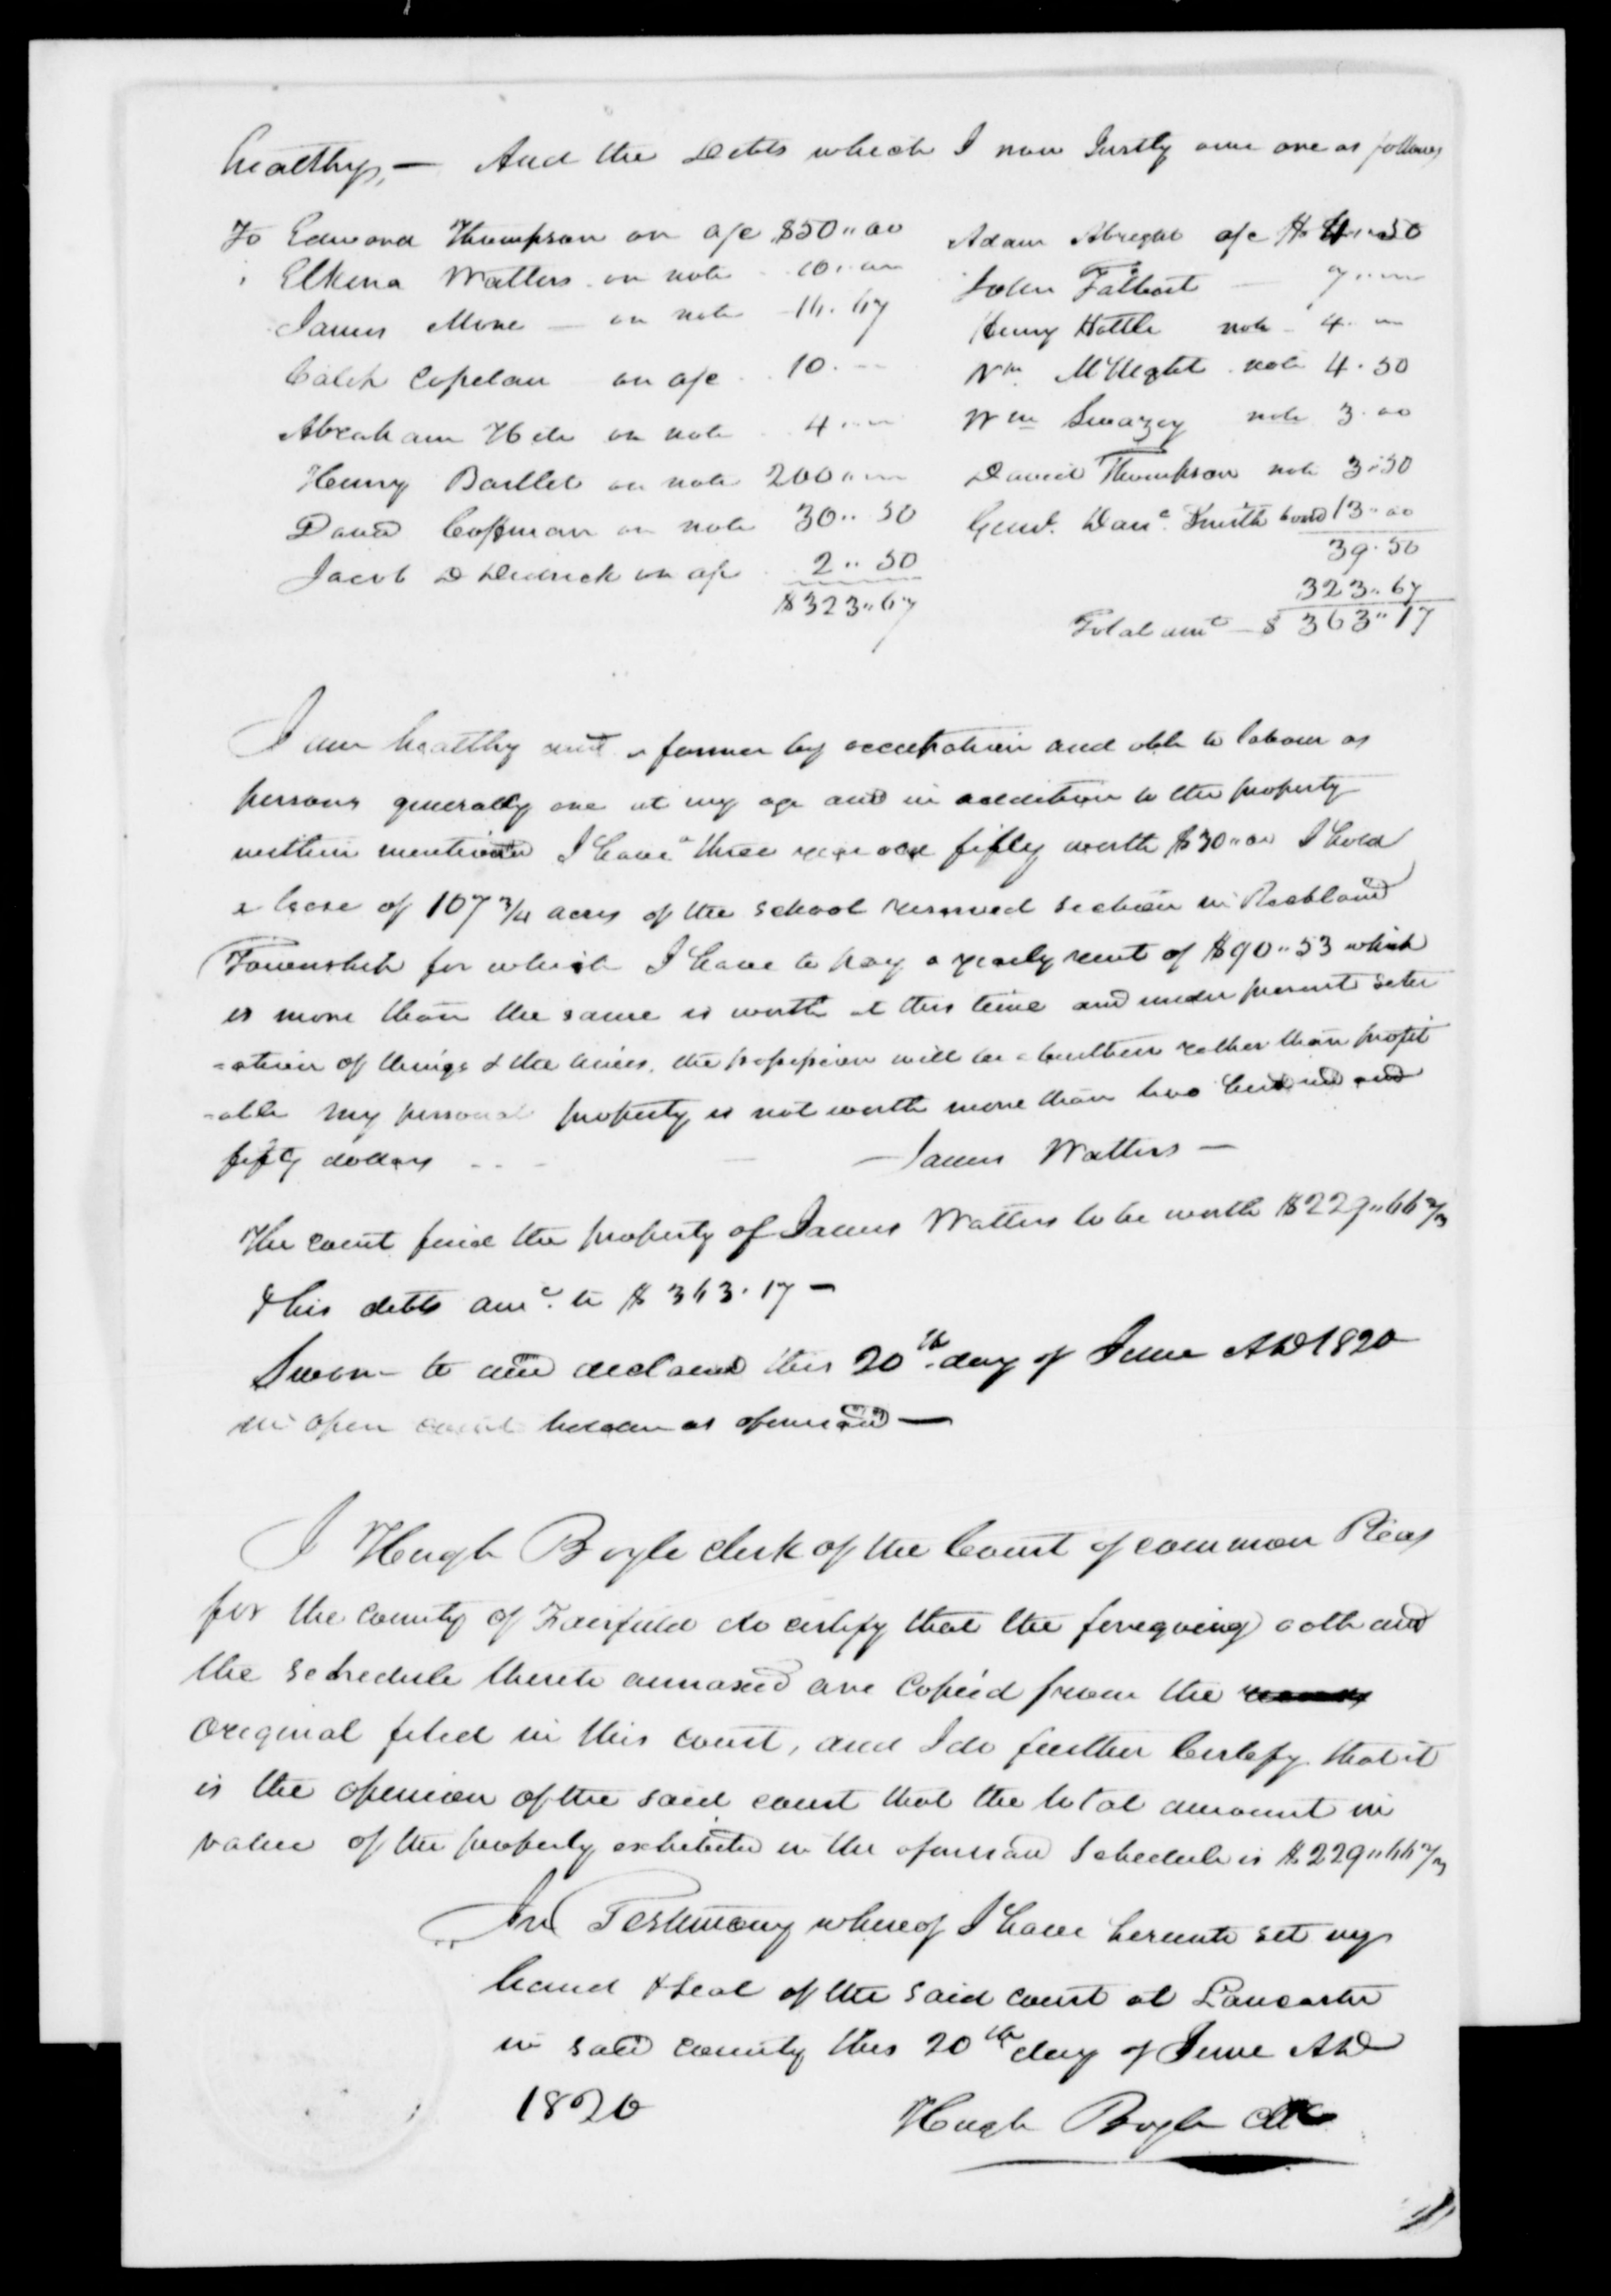healthy.- And the Debts which I now justly owe one as follows
To 
Edward Thompson on a/c $50.00 
Elkena Watters on note  10.00     
James Mine - on note 16.67          
Caleb Copelan on a/c 10.--            
Abraham Hile on note 4.--             
Henry Bartlet on note 200.--        
David Cossman on note 30.30        
Jacob D Dedrick on a/c 2.50
------------------------------------
$323.67

Adam Abright a/c $4.50
 John Talbert ---  7.--
 Henry Hattle note   4.--
  Wm. McNight note 4.50
 Wm. Swazey  note  3.00
 David Thompson at 3.50
 Genl. Danl Smith bond 13.00
------------------------------
39.50
323.67
-----------------------
363.17    Total amt

In healthy and a farmer by occupation and able to labour as persons generally one at my age and in addition to the property within mentioned  I have a three year old filly  worth $30.00  I hold have of 107 3/4 acres of the school reserved section in Richland Township for which I have to pay a yearly rent of $90.53 which is more than the same is worth at this time and under present situation of things &  the [illegible], possession will be a [illegible] rather than profitable  My personal property is not worth more than two hundred and fifty dollars.--
James Watters

The court find the property of James Watters to be worth $229.67 2/3  & his debts amt to $343.17  
Sworn to and declared this 20th day of June AD 1820 in open court [illegible] as [illegible]--

I Hugh Boyle Clerk of the Court of Common Pleas for the County of Fairfield do certify that the foregoing oath and the schedule thereto annexed are copied from the original filed in this court, and I do further certify that it is the opinion of the said Court that the total amount in value of the property exhibited in the aforesaid Schedule is $229.66 2/3   
In Testimony whereof I have hereunto set my hand & Seal of the said Court at Lancaster
in said County this 20th day of June AD 1820
Hugh Boyle   clk

[round illegible seal]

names: Edward Thompson, Hugh Boyle, David Coffman, Henry Bartlet, David Thompson, Wm Swazey, Abraham Hile, Wm Mc Night, Henry Hottle, James Watters, Jacob D Dedrick, James More, Calep Copelan, Danl Smith, Elkena Watters, John Talbert, Adam Abright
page: 15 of 29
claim: survivor's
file: S. 40642, James Waters, Continental (Md)